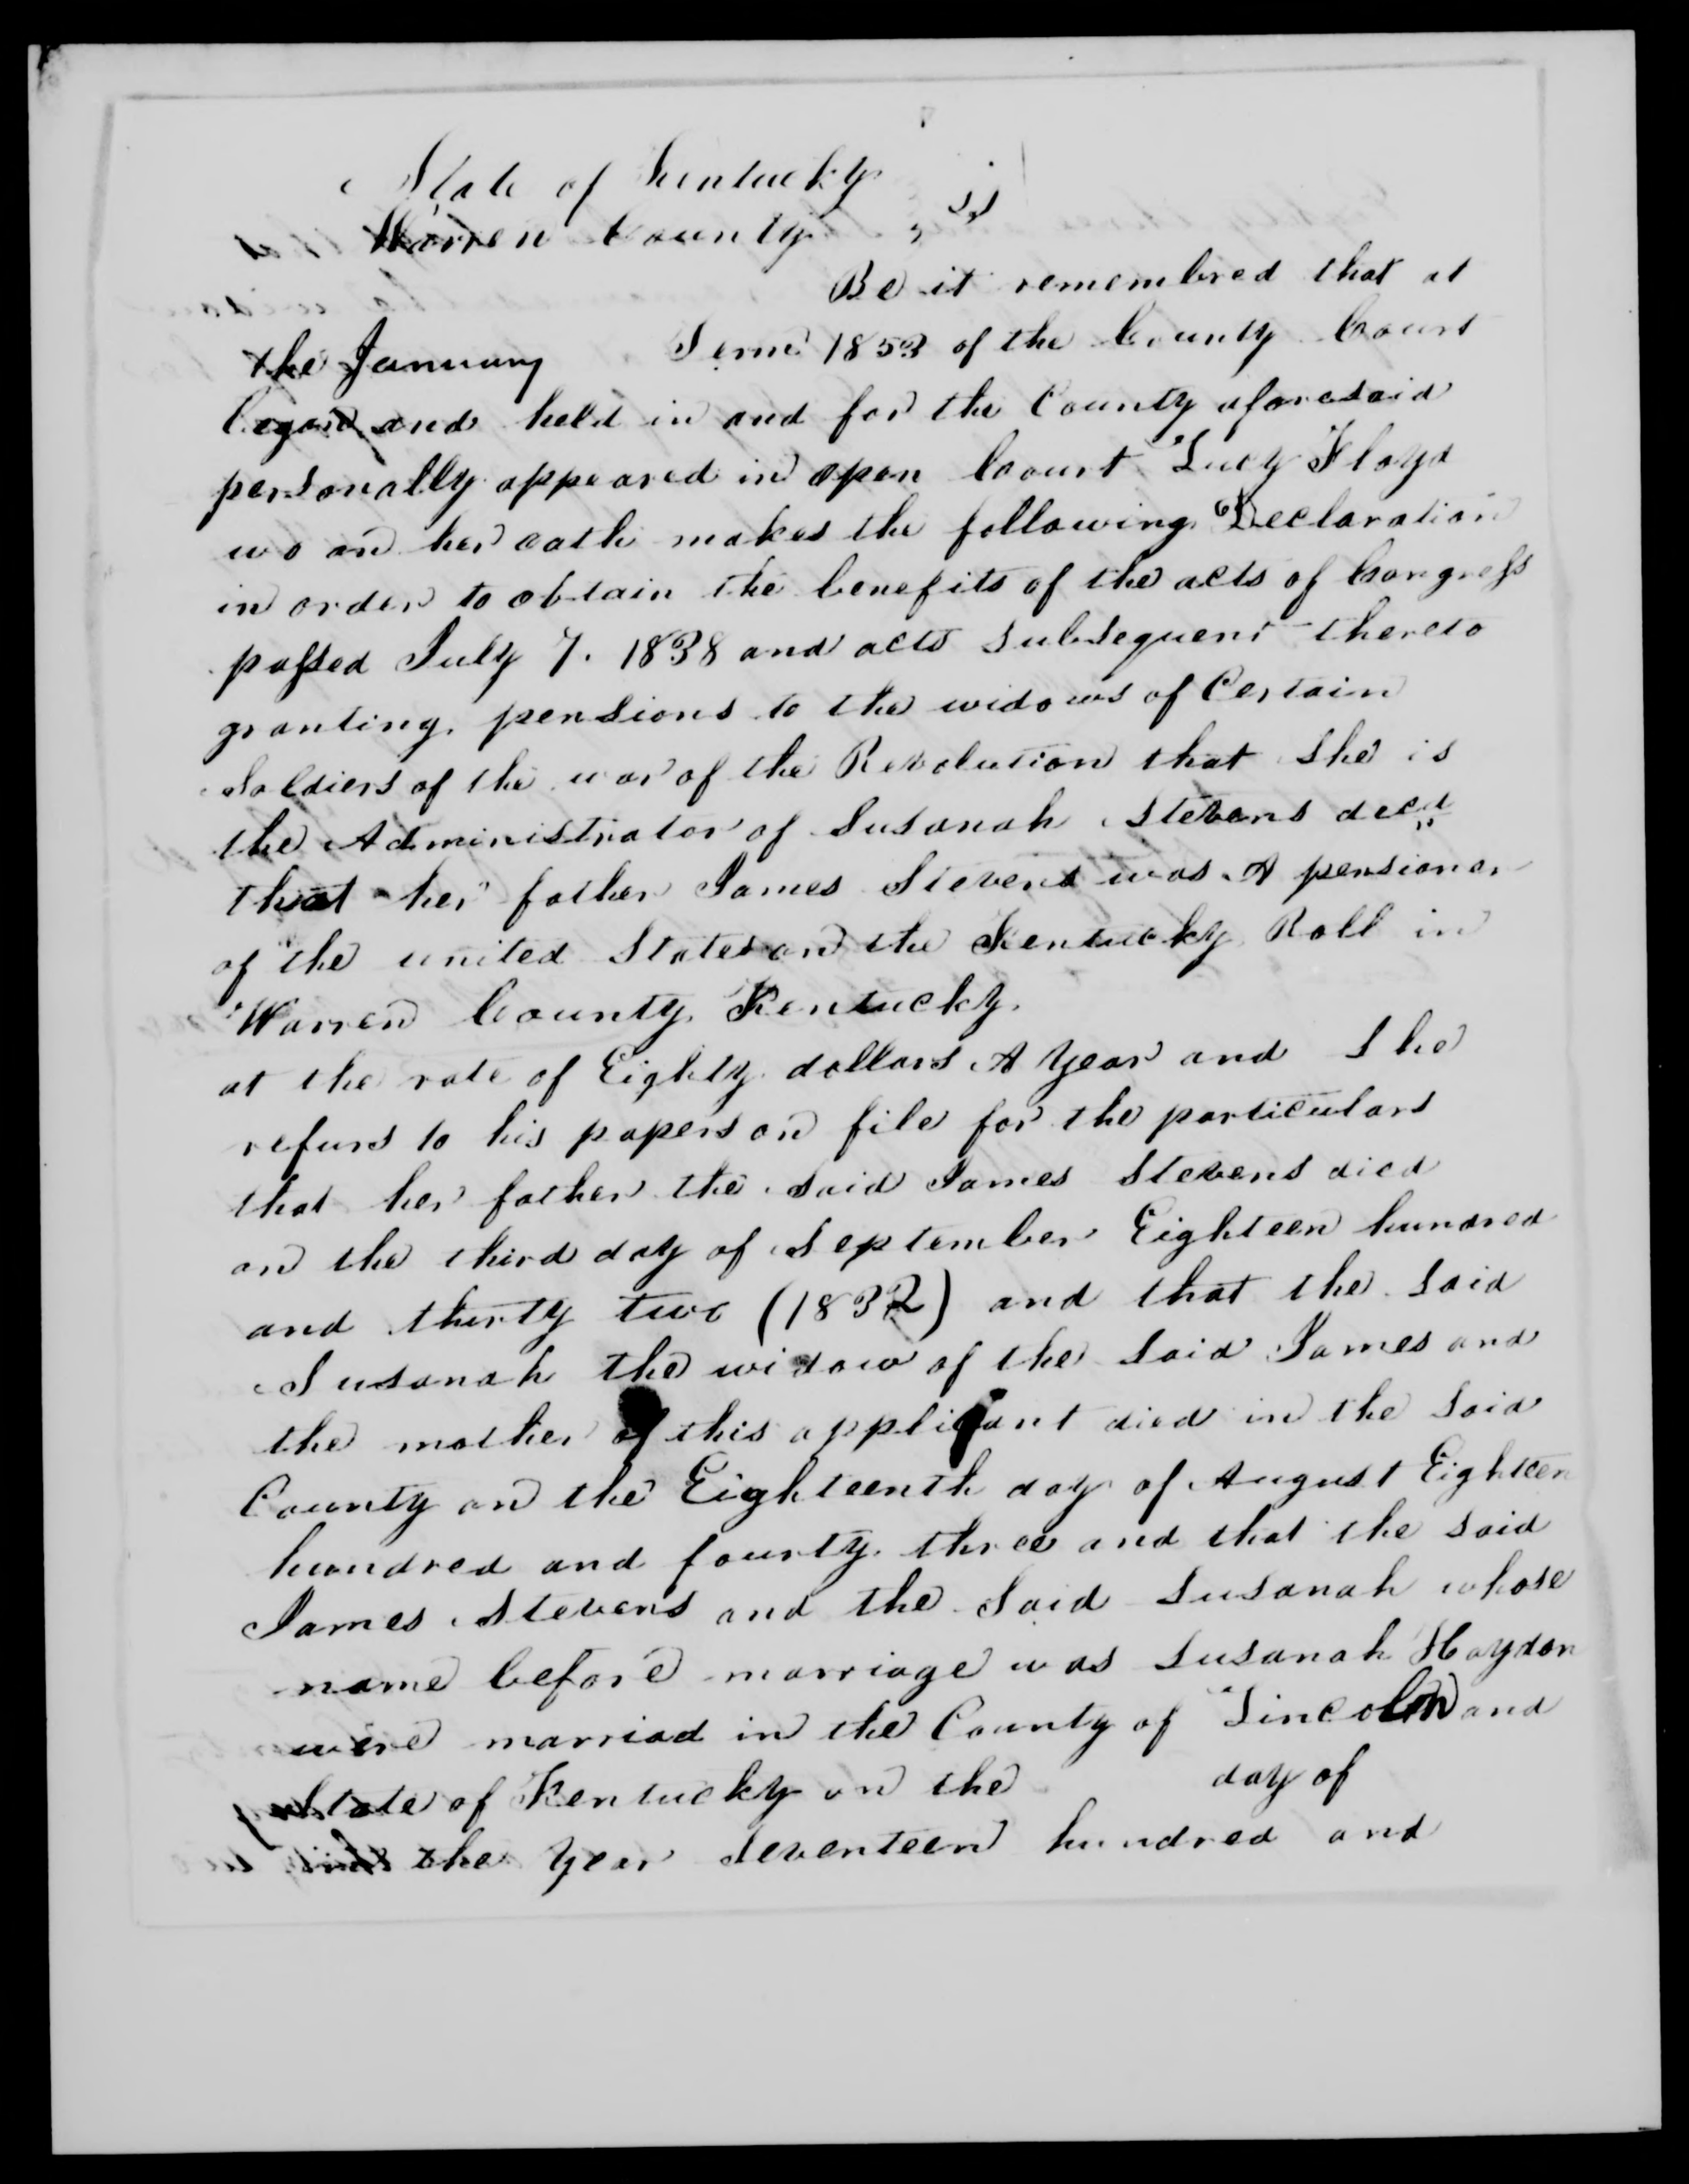State of Kentucky
Warren County   SS

Be it remembered that at the January    Term 1853 of the County Court began and held in and for the County aforesaid personally appeared in open Court Lucy Floyd wo on her oath makes the following Declaration in order to obtain the benefits of the acts of Congress passed July 7. 1838 and acts subsequent thereto granting pensions to the widows of Certain Soldiers of the war of the Revolution that She is the Administrator of Susanah Stevens decd that her father James Stevens was a pensioner of the united States on the Kentucky Roll in Warren County, Kentucky at the rate of Eighty dollars A Year and She refurs to his papers on file for the particulars that her father the Said James Stevens died on the third day of September Eighteen hundred and thirty two (1832) and that the Said Susanah the widow of the Said James and the mother of this applicant died in the Said County on the Eighteenth day of August Eighteen hundred and fourty three and that the said James Stevens and the Said Susanah whose name before marriage was Susanah Haydon were marriad in the County of Lincoln and State of Kentucky on the    day of   the year Seventeen hundred and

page: 92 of 99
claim: widow's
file: W 8766, for James Stevens, Virginia